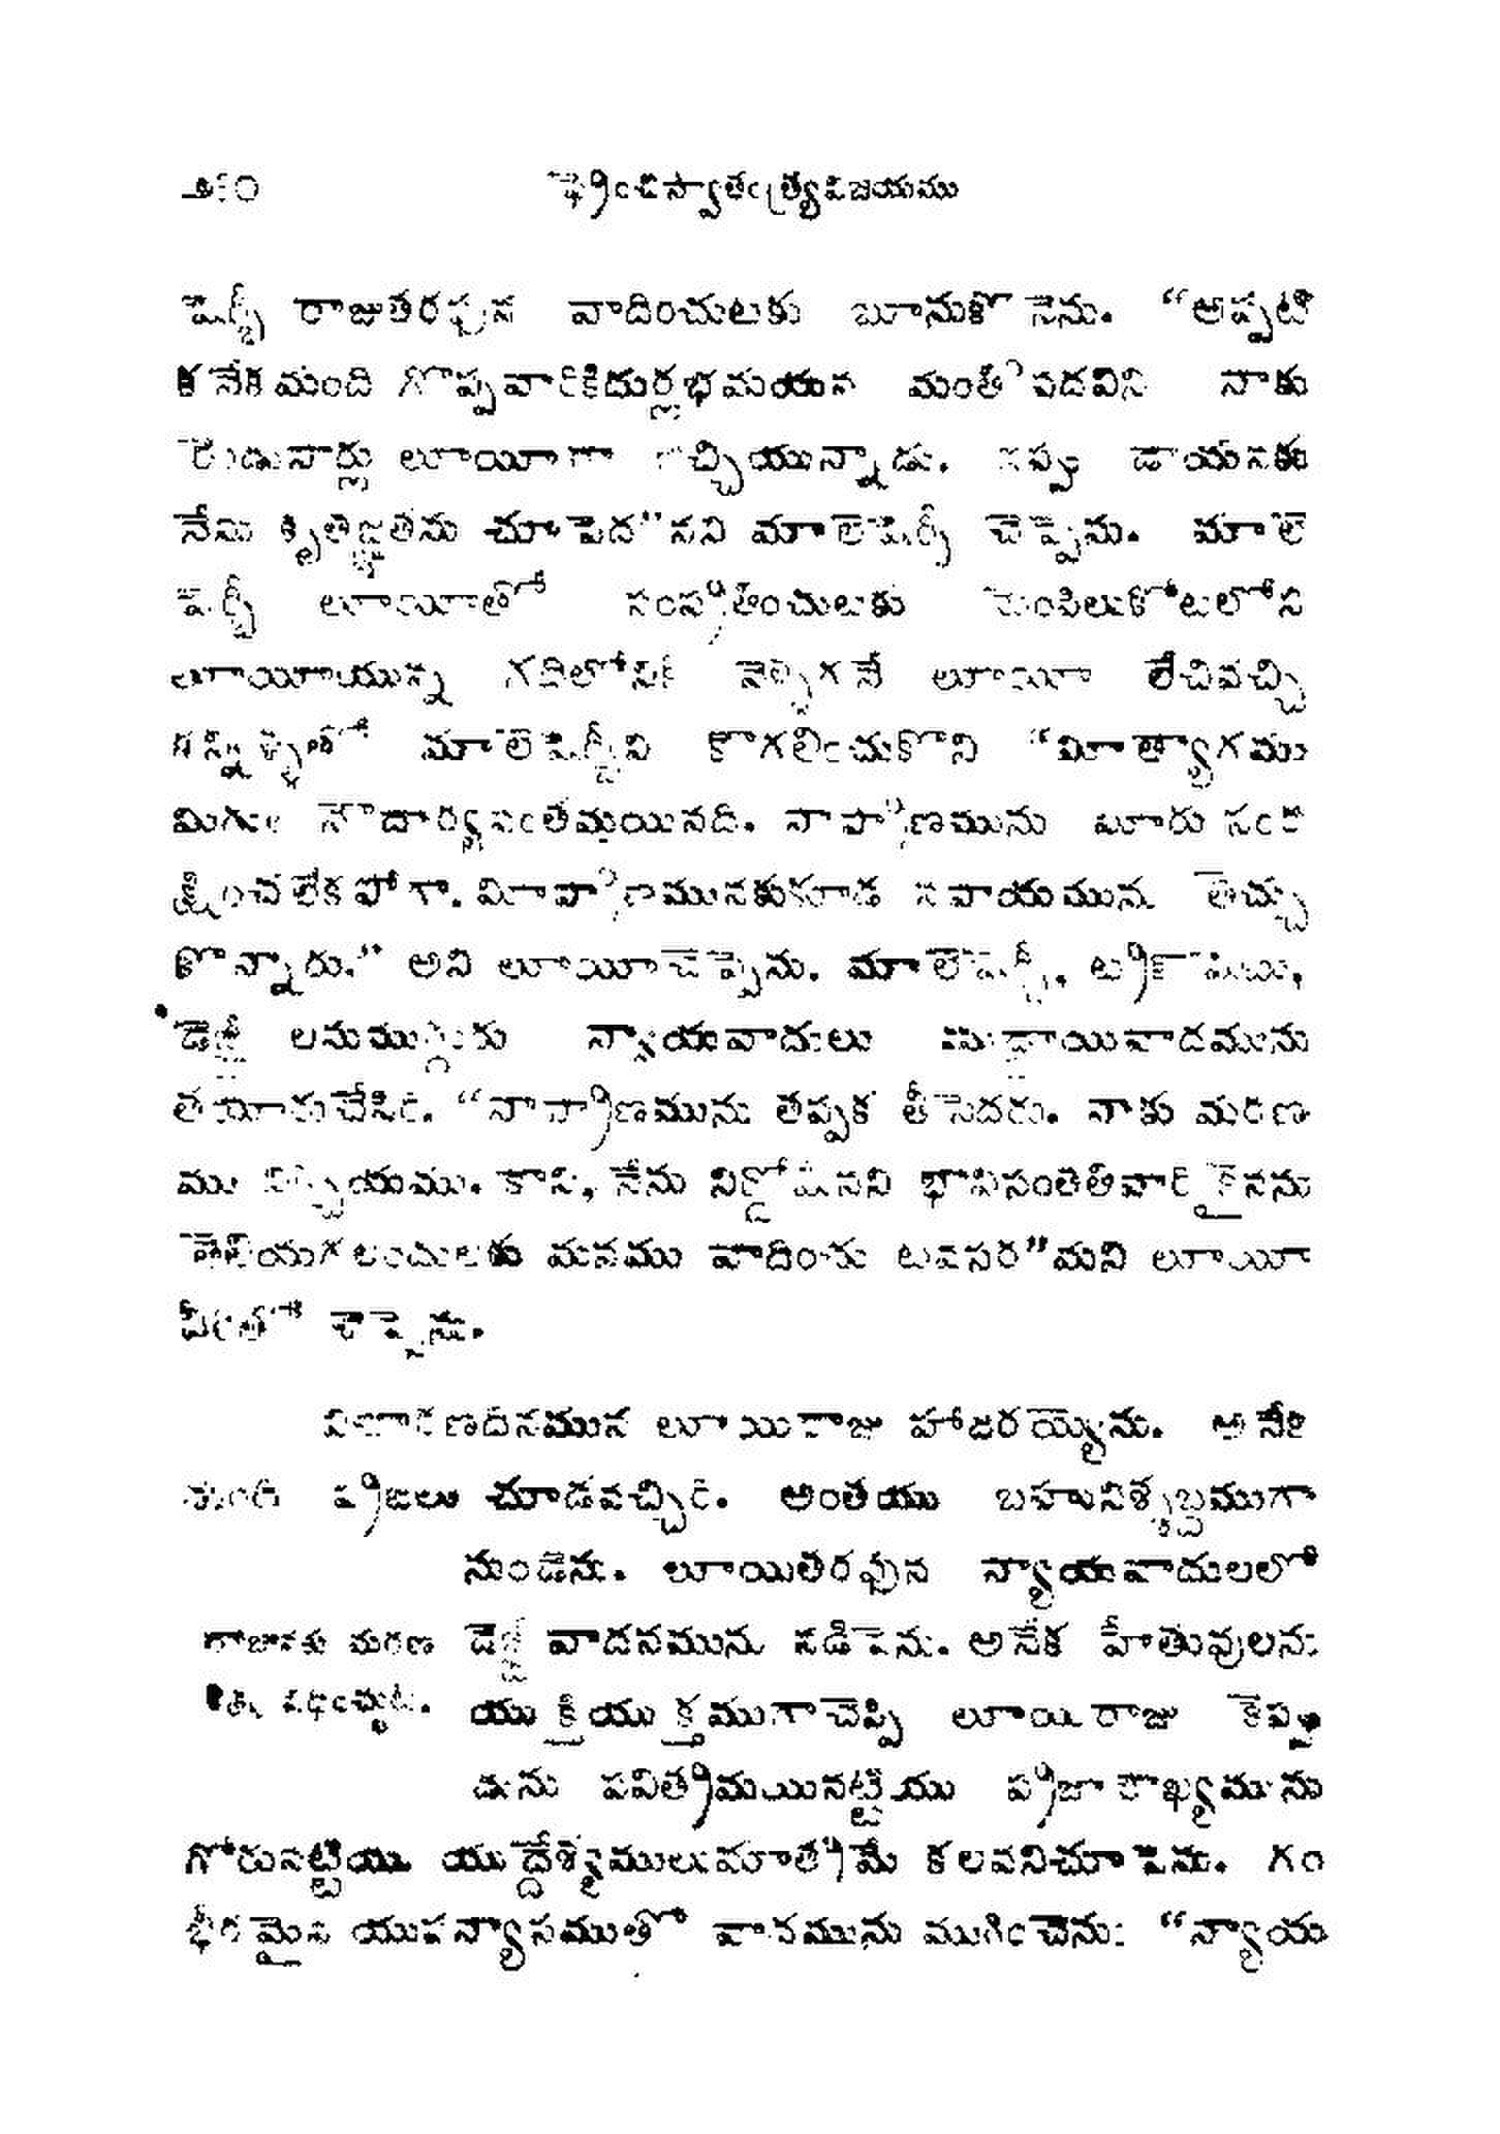నాకు
మరీ బాబూ.
షెర్బీ రాజుతరఫున వాదించుటకు బూనుకొ నెను. " అప్పటి
కనేక మంది గొప్పవారికి దుర్లభమయన మంత్రి పదవిని నాకు
రెండు సార్లు లూయీ రాజిచ్చియున్నాడు. ఇప్పుడాయనకు 
నేను కృతగ్నతను చూపెద"నని మాలెషెర్బీ చెప్పెను. మాలె
షెర్బీ లూయీ తో సంప్ర దించుటకు "టెంపిలు కోటలోని
లూయీ యున్నగది లోనికి వెళ్ళగనే లుయీ లేచివచ్చి
కన్నీళ్లతో మాలె షెర్బీని కౌగలించుకొని "మీత్యాగము
మిగుల నౌదార్వ వం తమయినది. నాప్రాణమును మీరు సం.
క్షించ లేక పోగా, మీ ప్రాణమునకు కూడ నపాయమును తెచ్చు
కొన్నారు." అని లూయీ చెప్పెను. మాలె షెర్బీ , ట్రన్ షెటు, డె జ్జీ లను
ముగ్గురు న్యాయవాదులు ముద్దాయి వాదమును తయారు చేసిరి. 
"నాప్రాణమును తప్పక తీసెదరు. నాకు మరణము. నిశ్చయము.
కాని, నేను నిర్దోషినని బావి సంతతి వారికైనను తెలియగలందులకు 
మనము వాదించుటవసర"మని లూయీ వీరితో చెప్పెను.

రాజునకు 
మరణ శిక్ష
విధించుట.
విచారణ దినమున లూయి రాజు హాజరయ్యెను. అనేక మంది 
ప్రజలు చూడ వచ్చిరి. అంతయు బహు నిశ్శబ్దముగా నుండెను. 
లూయి తరఫున న్యాయవాదులలో డెజ్జీ వాదనమును 
నడిపెను. అనేక హేతువులను యుక్తి యుక్తముగా చెప్పి లూయి. 
రాజు కెప్పుడును పవిత్రమయి నట్టియు ప్రజా సౌఖ్యమును
గోరునట్టియు యుద్దేశ్యములు మాత్రమే కలవని చూపెసు. 
గంభీరమైన యుపన్యాసముతో వాదమును ముగించెను: “న్యాయ